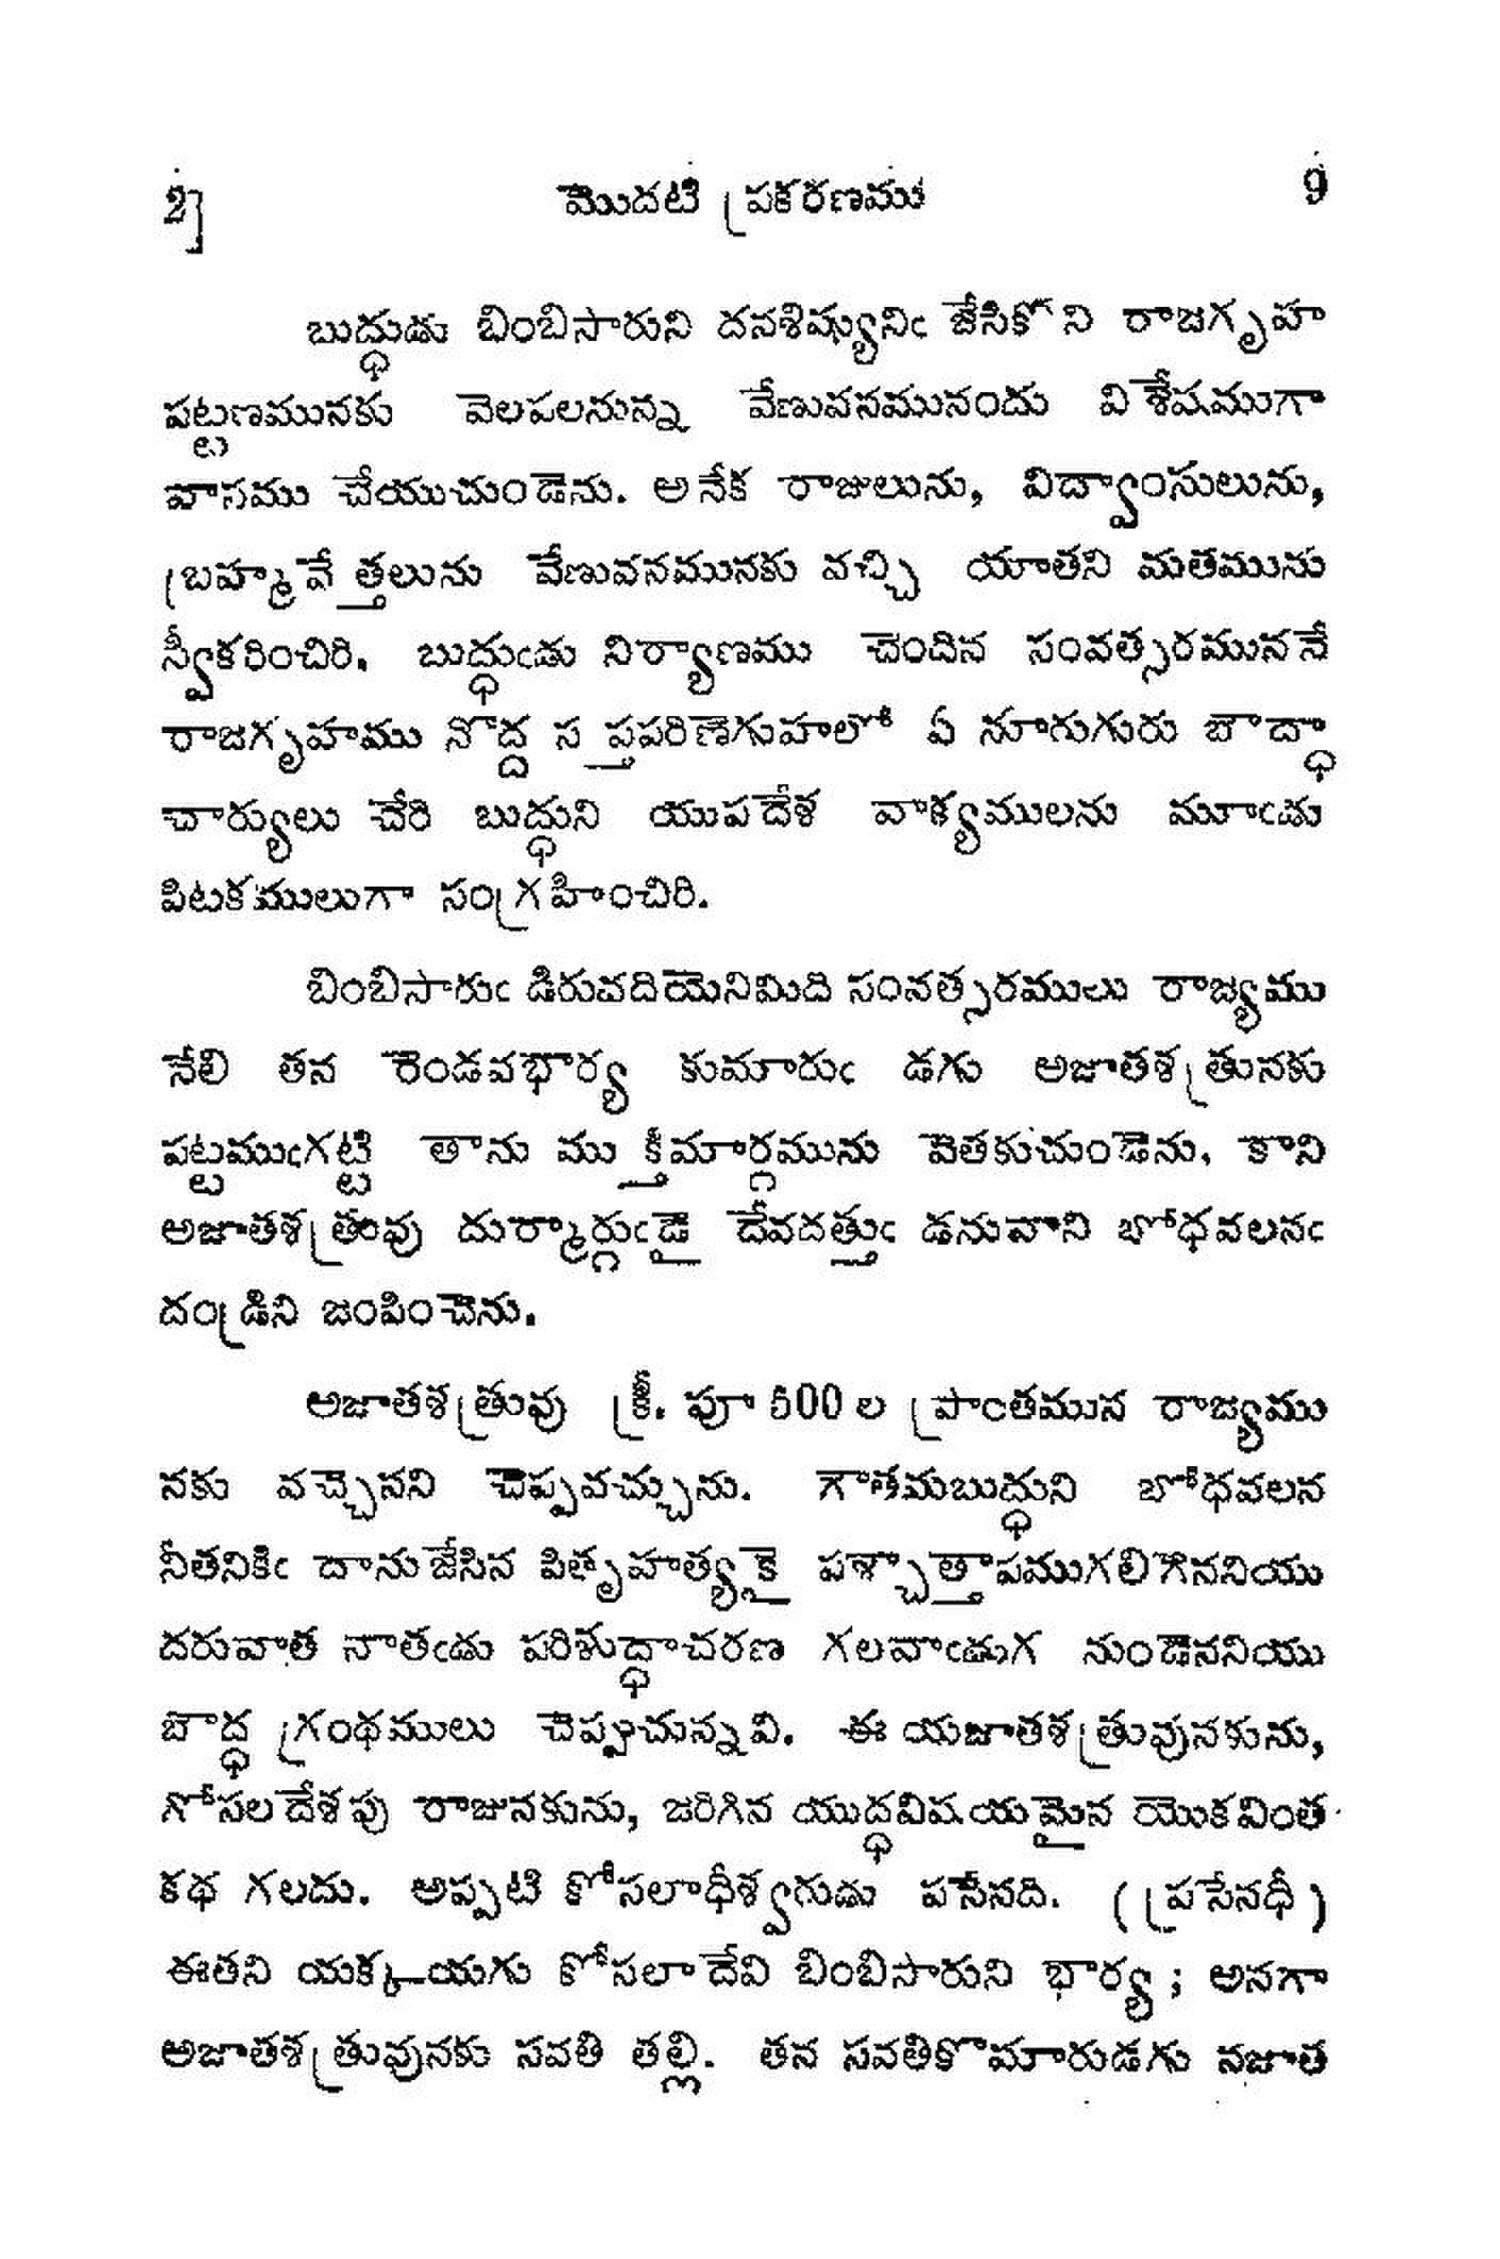బుద్ధుడు బింబిసారుని దనశిష్యునిఁ జేసికొని రాజగృహ పట్టణమునకు వెలపలనున్న వేణువనమునందు విశేషముగా వాసము చేయుచుండెను. అనేక రాజులును, విద్వాంసులును, బ్రహ్మవేత్తలును వేణువనమునకు వచ్చి యాతని మతమును స్వీకరించిరి. బుద్ధుఁడు నిర్యాణము చెందిన సంవత్సరముననే రాజగృహము నొద్ద సప్తపరిణెగుహలో ఏ నూరుగురు బౌద్ధాచార్యులు చేరి బుద్ధుని యుపదేశ వాక్యములను మూఁడు పిటకములుగా సంగ్రహించిరి.

బింబిసారుఁ డిరువదియెనిమిది సంనత్సరములు రాజ్యము నేలి తన రెండవ భార్య కుమారుఁ డగు అజాతశత్రునకు పట్టముఁగట్టి తాను ముక్తిమార్గమును వెతకుచుండెను. కాని అజాతశత్రువు దుర్మార్గుఁడై దేవదత్తుఁ డనువాని బోధవలనఁ దండ్రిని జంపించెను.

అజాతశత్రువు క్రీ. పూ 500 ల ప్రాంతమున రాజ్యమునకు వచ్చెనని చెప్పవచ్చును. గౌతమబుద్ధుని బోధవలన నీతనికిఁ దానుజేసిన పితృహత్యకై పశ్చాత్తాపముగలిగెననియు దరువాత నాతఁడు పరిశుద్దాచరణ గలవాఁడుగ నుండెననియు బౌద్ధ గ్రంథములు చెప్పుచున్నవి. ఈ యజాతశత్రువునకును, గోసలదేశపు రాజునకును, జరిగిన యుద్ధవిషయమైన యొకవింత కథ గలదు. అప్పటి కోసలాధీశ్వరుడు పసేనది. (ప్రసేనధీ ) ఈతని యక్కయగు కోసలాదేవి బింబిసారుని భార్య ; అనగా అజాతశత్రువునకు సవతి తల్లి. తన సవతికొమారుడగు నజాత